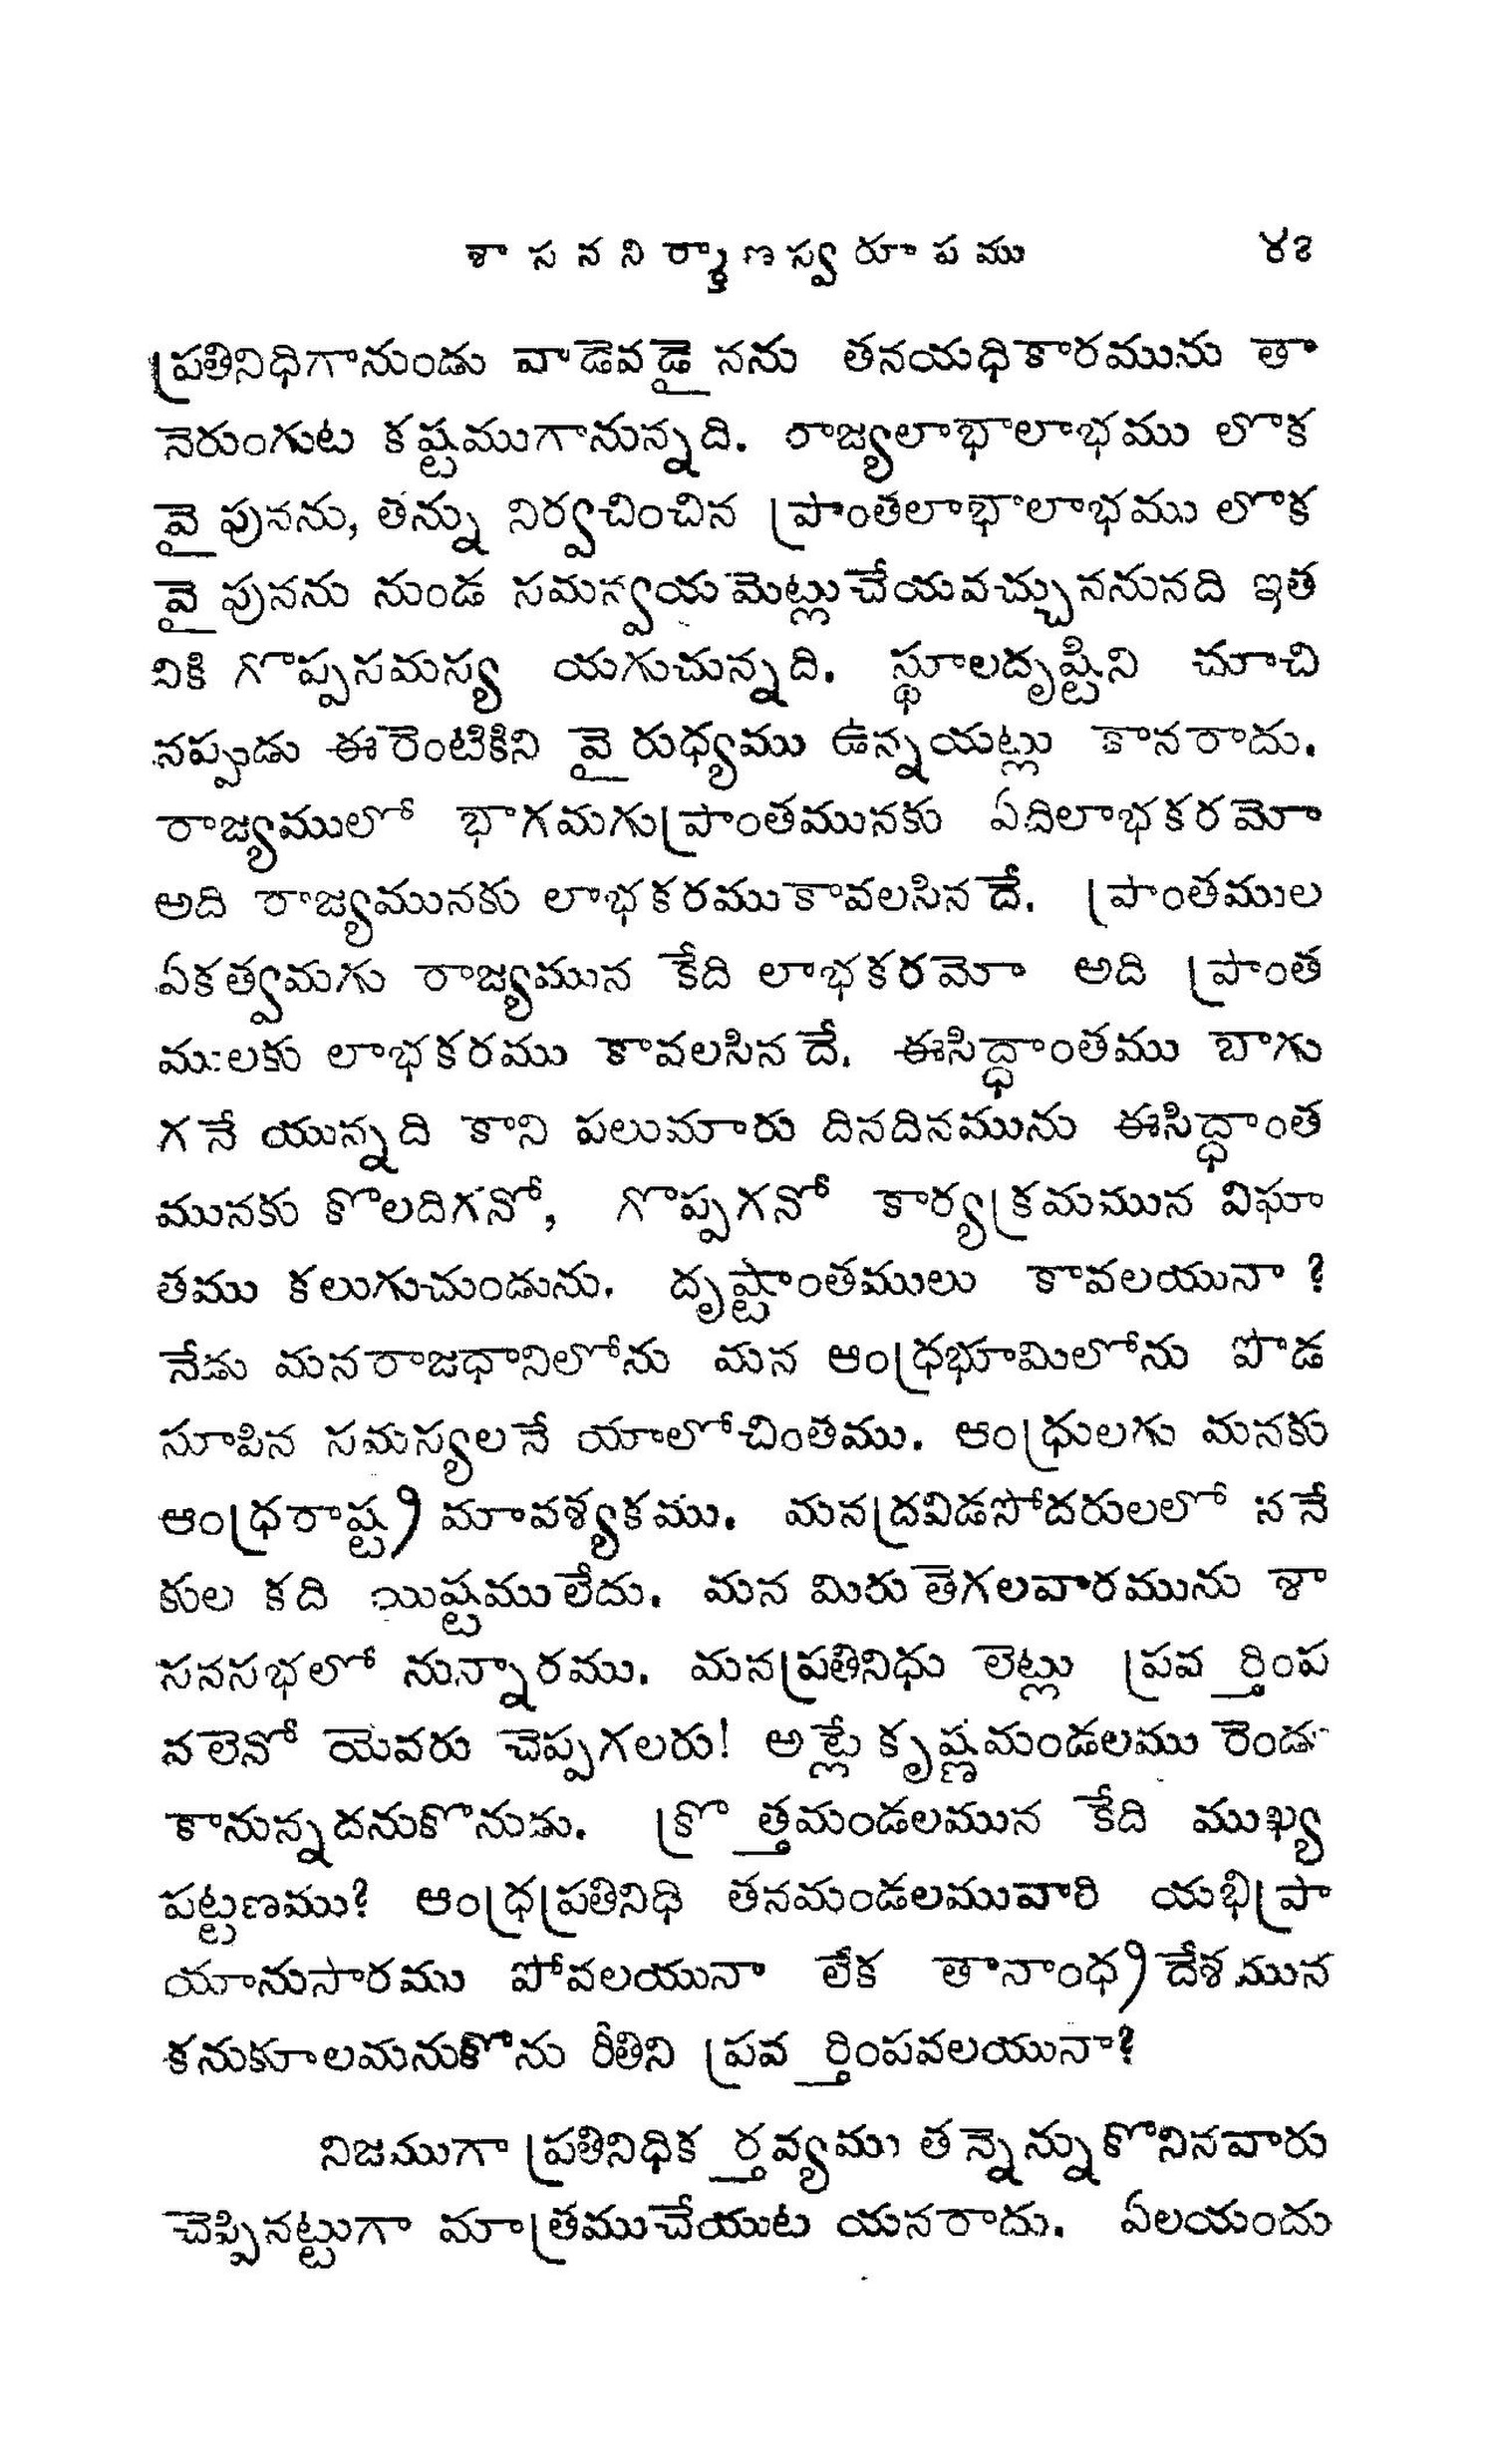ప్రతినిధిగానుండు వాడెవడైనను తనయధికారమును తా నెరుంగుట కష్టముగానున్నది. రాజ్యలాభాలాభము లొకవైపునను, తన్ను నిర్వచించిన ప్రాంతలాభాలాభము లొకవైపునను నుండ సమన్వయమెట్లుచేయవచ్చుననునది ఇతనికి గొప్పసమస్య యగుచున్నది. స్థూలదృష్టిని చూచినప్పుడు ఈరెంటికిని వైరుధ్యము ఉన్నయట్లు కానరాదు. రాజ్యములో భాగమగుప్రాంతమునకు ఏదిలాభకరమో అది రాజ్యమునకు లాభకరముకావలసినదే. ప్రాంతముల ఏకత్వమగు రాజ్యమున కేది లాభకరమో అది ప్రాంతములకు లాభకరము కావలసినదే. ఈసిద్ధాంతము బాగుగనే యున్నది కాని పలుమారు దినదినమును ఈసిద్ధాంతమునకు కొలదిగనో, గొప్పగనో కార్యక్రమమున విఘాతము కలుగుచుండును. దృష్టాంతములు కావలయునా ? నేడు మనరాజధానిలోను మన ఆంధ్రభూమి లోను పొడసూపిన సమస్యలనే యాలోచింతము. ఆంధ్రులగు మనకు ఆంధ్రరాష్ట్ర మావశ్యకము. మనద్రవిడసోదరులలో ననేకుల కది యిష్టములేదు. మన మిరుతెగలవారమును శాసనసభలో నున్నారము. మనప్రతినిధు లెట్లు ప్రవర్తింపవలెనో యెవరు చెప్పగలరు! అట్లే కృష్ణమండలము రెండు
కానున్నదనుకొనుడు. క్రొత్తమండలమున కేది ముఖ్యపట్టణము? ఆంధ్రప్రతినిధి తనమండలమువారి యభిప్రాయానుసారము పోవలయునా లేక తానాంధ్రదేశమున కనుకూలమనుకొను రీతిని ప్రవర్తింపవలయునా?

నిజముగా ప్రతినిధికర్తవ్యము తన్నెన్నుకొనినవారు చెప్పినట్టుగా మాత్రముచేయుట యనరాదు. ఏలయందు